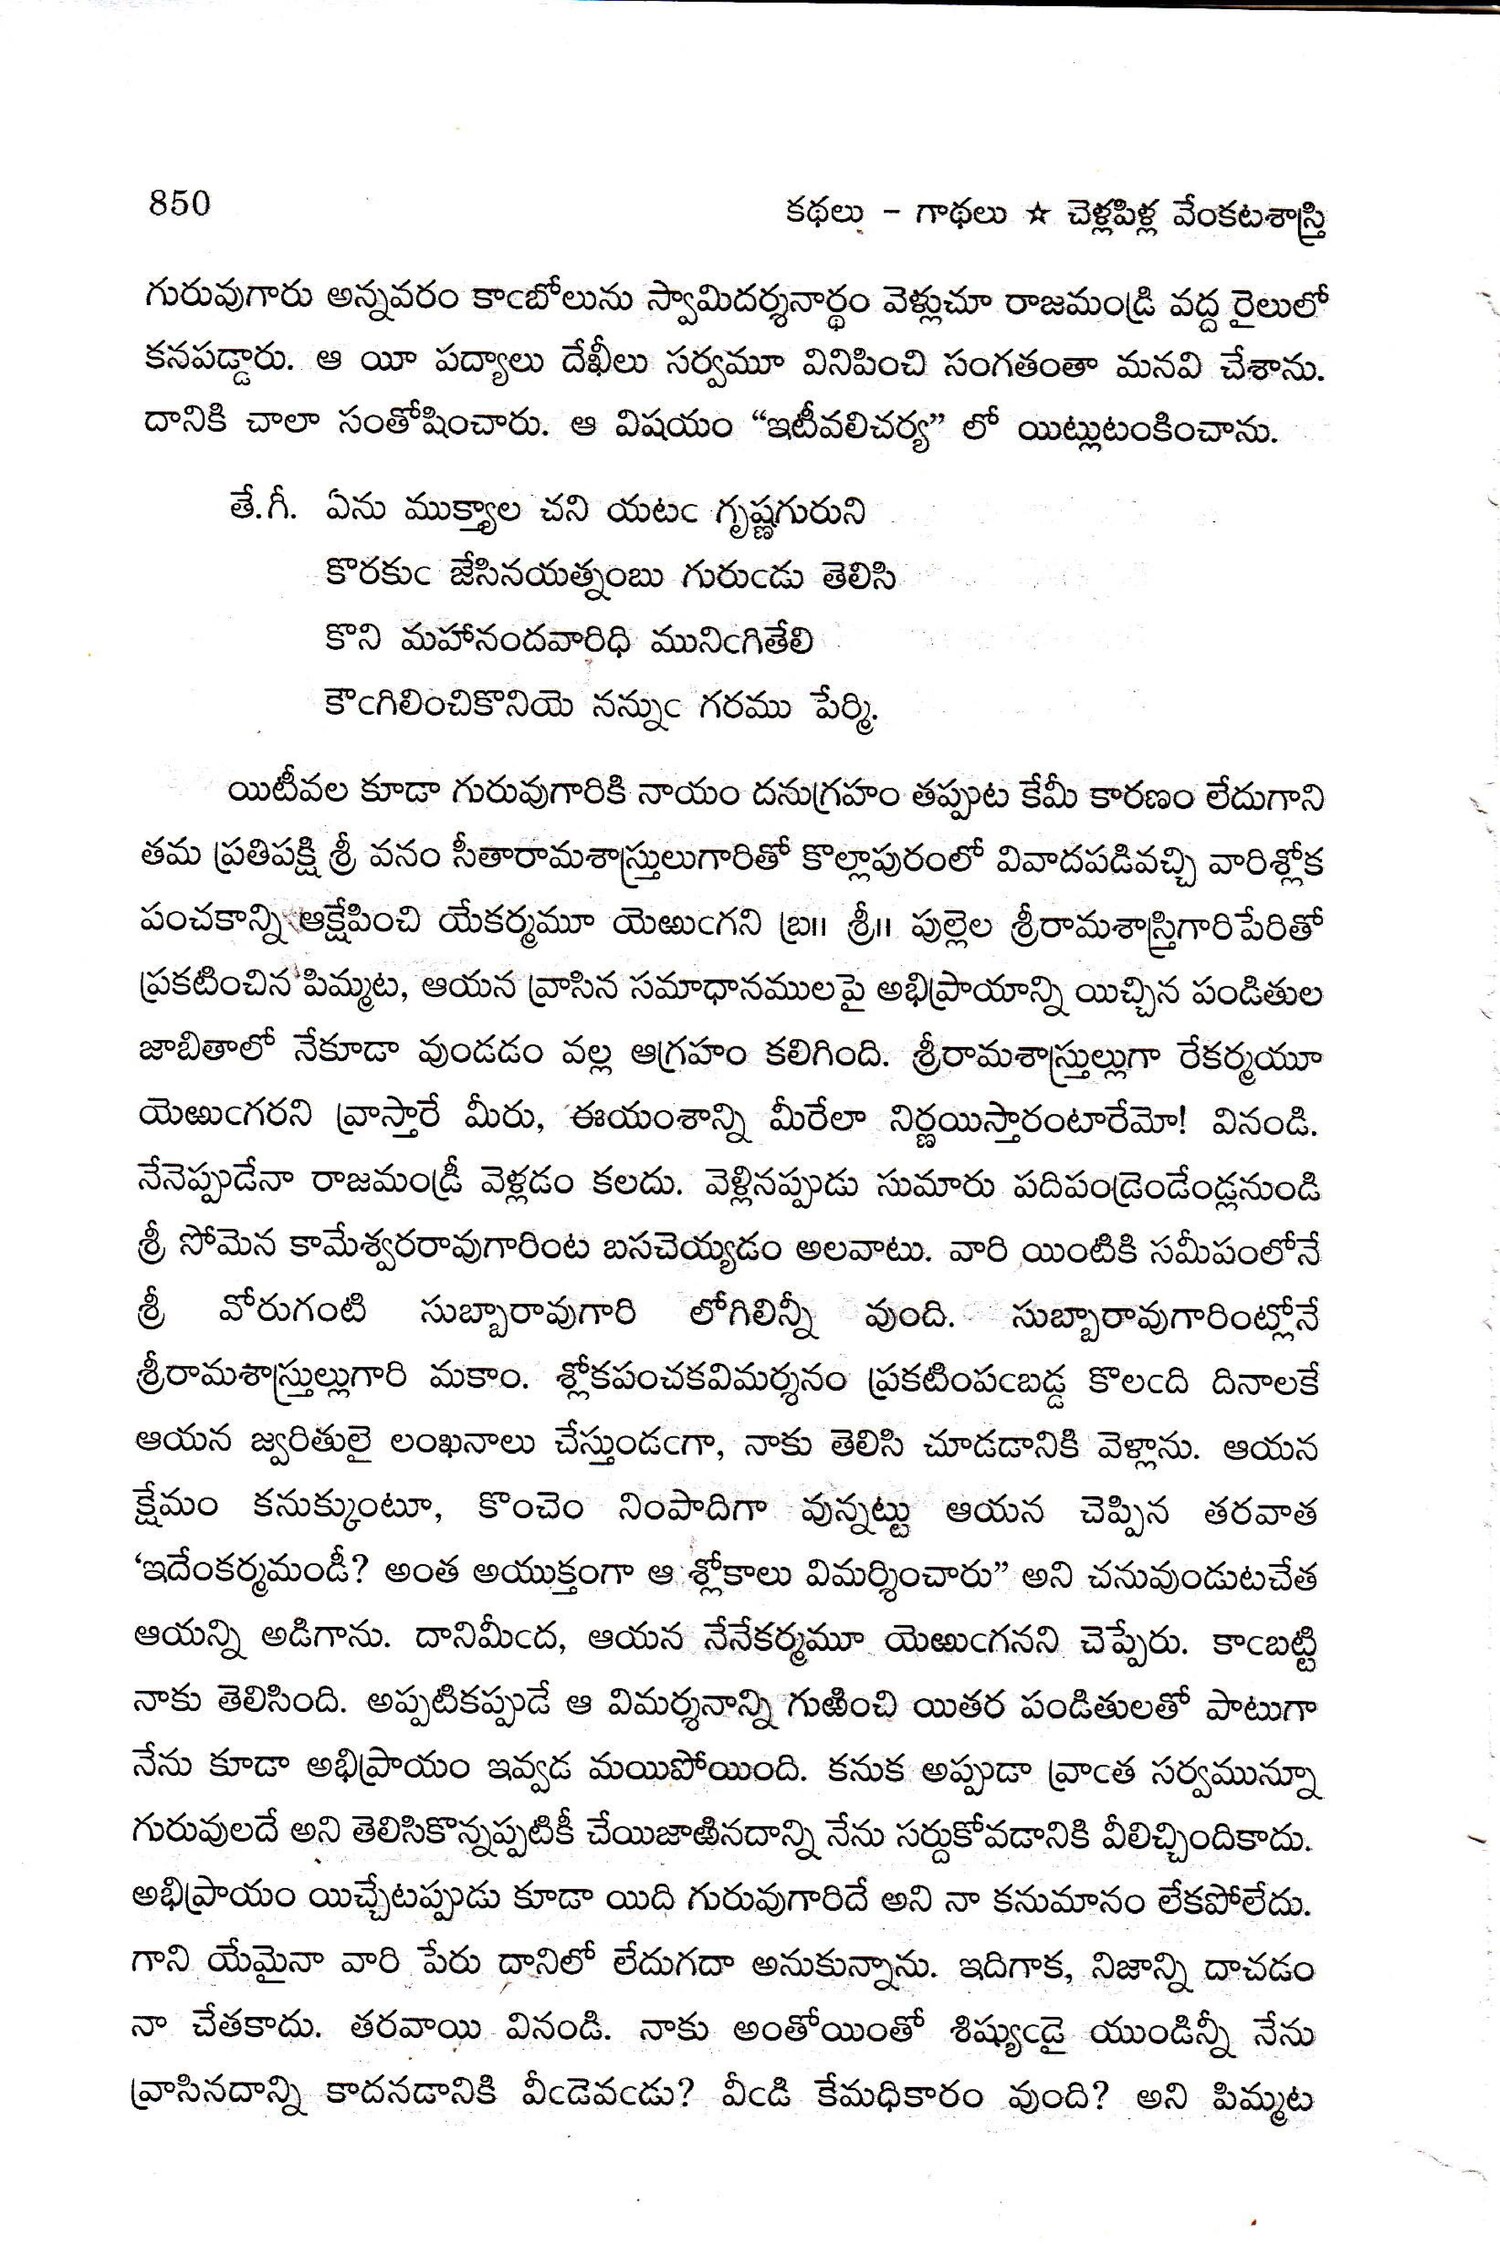గురువుగారు అన్నవరం కాఁబోలును స్వామిదర్శనార్థం వెళ్లుచూ రాజమండ్రి వద్ద రైలులో కనపడ్డారు. ఆ యీ పద్యాలు దేఖీలు సర్వమూ వినిపించి సంగతంతా మనవి చేశాను. దానికి చాలా సంతోషించారు. ఆ విషయం "ఇటీవలిచర్య" లో యిట్లుటంకించాను.

తే.గీ. ఏను ముక్త్యాల చని యటఁ గృష్ణగురుని
 కొరకుc జేసినయత్నంబు గురుఁడు తెలిసి 
 కొని మహానందవారిధి మునిఁగితేలి 
 కౌఁగిలించికొనియె నన్నుఁ గరము పేర్మి
యిటీవల కూడా గురువుగారికి నాయం దనుగ్రహం తప్పుట కేమీ కారణం లేదుగాని తమ ప్రతిపక్షి శ్రీ వనం సీతారామశాస్త్రులుగారితో కొల్లాపురంలో వివాదపడివచ్చి వారిశ్లోక పంచకాన్ని ఆక్షేపించి యేకర్మమూ యెఱుఁగని బ్రII శ్రీ|| పుల్లెల శ్రీరామశాస్త్రిగారిపేరితో ప్రకటించిన పిమ్మట, ఆయన వ్రాసిన సమాధానములపై అభిప్రాయాన్ని యిచ్చిన పండితుల జాబితాలో నేకూడా వుండడం వల్ల ఆగ్రహం కలిగింది. శ్రీరామశాస్త్రుల్లుగా రేకర్మయూ యెఱుఁగరని వ్రాస్తారే మీరు, ఈయంశాన్ని మీరేలా నిర్ణయిస్తారంటారేమో! వినండి. నేనెప్పడేనా రాజమండ్రీ వెళ్లడం కలదు. వెళ్లినప్పుడు సుమారు పదిపండ్రెండేండ్లనుండి శ్రీ సోమెన కామేశ్వరరావుగారింట బసచెయ్యడం అలవాటు. వారి యింటికి సమీపంలోనే శ్రీ వోరుగంటి సుబ్బారావుగారి లోగిలిన్నీ వుంది. సుబ్బారావుగారింట్లోనే శ్రీరామశాస్త్రుల్లగారి మకాం. శ్లోకపంచకవిమర్శనం ప్రకటింపఁబడ్డ కొలఁది దినాలకే ఆయన జ్వరితులై లంఖనాలు చేస్తుండఁగా, నాకు తెలిసి చూడడానికి వెళ్లాను. ఆయన క్షేమం కనుక్కుంటూ, కొంచెం నింపాదిగా వున్నట్టు ఆయన చెప్పిన తరవాత "ఇదేంకర్మమండీ? అంత అయుక్తంగా ఆ శ్లోకాలు విమర్శించారు" అని చనువుండుటచేత ఆయన్ని అడిగాను. దానిమీఁద, ఆయన నేనేకర్మమూ యెఱుఁగనని చెప్పేరు. కాఁబట్టి నాకు తెలిసింది. అప్పటికప్పుడే ఆ విమర్శనాన్ని గుఱించి యితర పండితులతో పాటుగా నేను కూడా అభిప్రాయం ఇవ్వడ మయిపోయింది. కనుక అప్పుడా వ్రాఁత సర్వమున్నూ గురువులదే అని తెలిసికొన్నప్పటికీ చేయిజాఱినదాన్ని నేను సర్దుకోవడానికి వీలిచ్చిందికాదు. అభిప్రాయం యిచ్చేటప్పుడు కూడా యిది గురువుగారిదే అని నా కనుమానం లేకపోలేదు. గాని యేమైనా వారి పేరు దానిలో లేదుగదా అనుకున్నాను. ఇదిగాక, నిజాన్ని దాచడం నా చేతకాదు. తరవాయి వినండి. నాకు అంతోయింతో శిష్యుఁడై యుండిన్నీ నేను వ్రాసినదాన్ని కాదనడానికి వీఁడెవఁడు? వీఁడి కేమధికారం వుంది? అని పిమ్మట